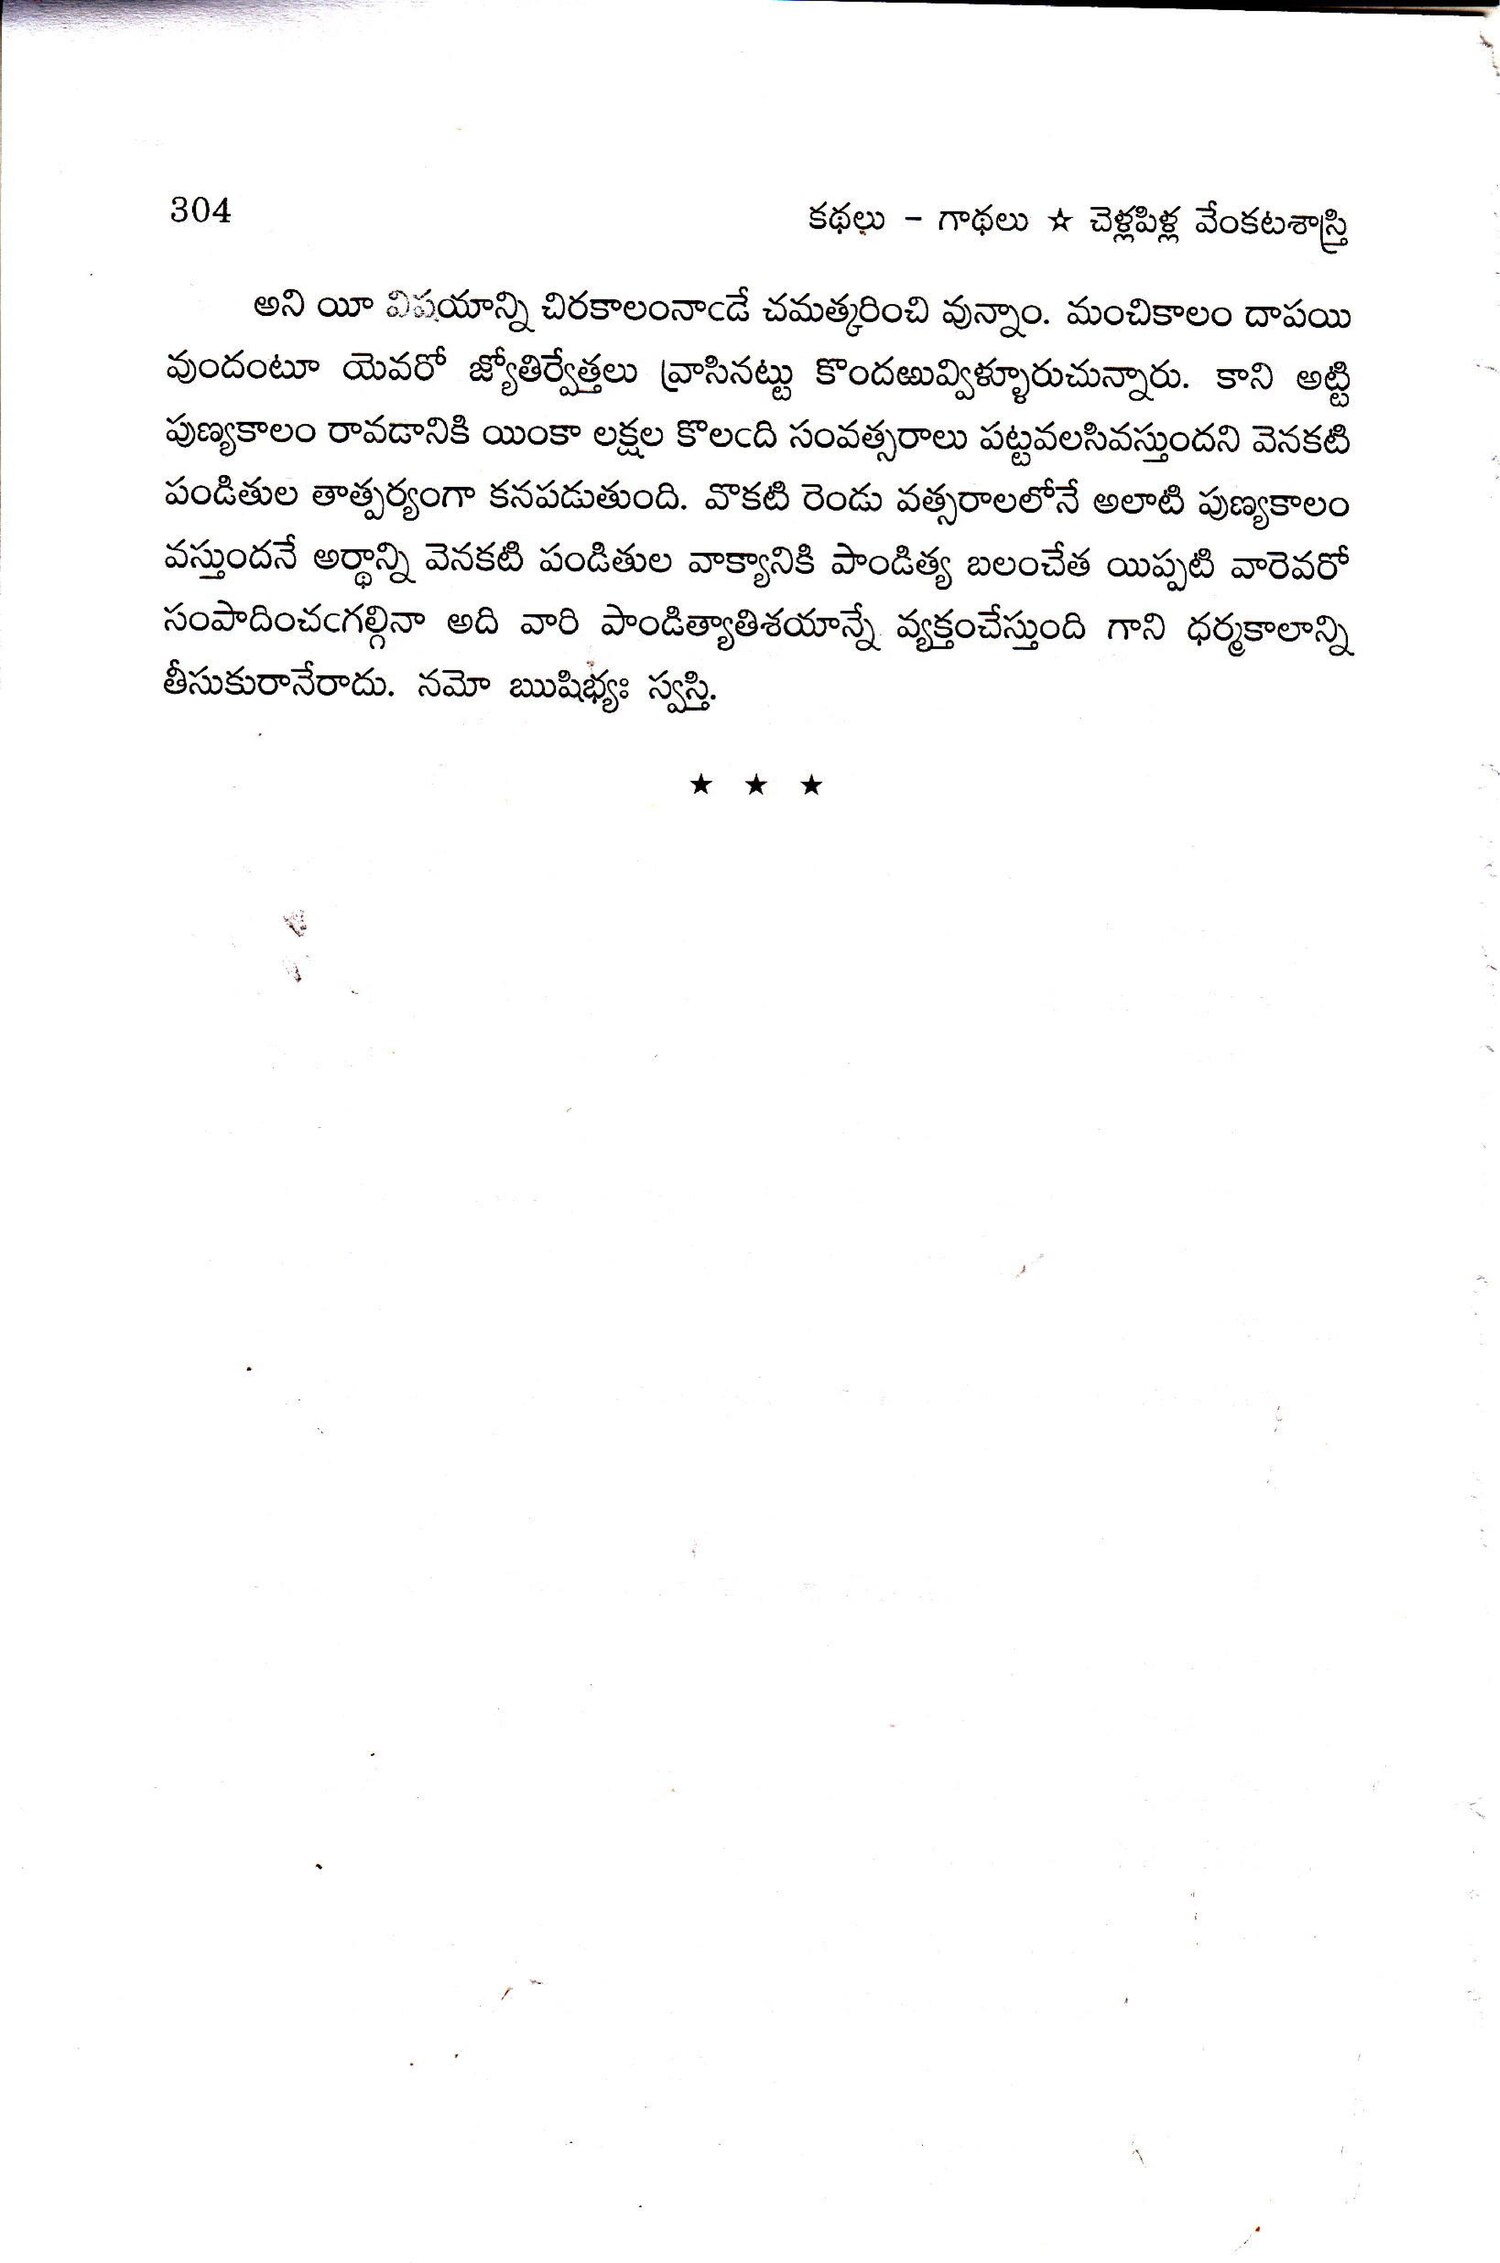అని యీ విషయాన్ని చిరకాలంనాఁడే చమత్కరించి వున్నాం. మంచికాలం దాపయి వుందంటూ యెవరో జ్యోతిర్వేత్తలు వ్రాసినట్టు కొందఱువ్విళ్ళూరుచున్నారు. కాని అట్టి పుణ్యకాలం రావడానికి యింకా లక్షల కొలఁది సంవత్సరాలు పట్టవలసివస్తుందని వెనకటి పండితుల తాత్పర్యంగా కనపడుతుంది. వొకటి రెండు వత్సరాలలోనే అలాటి పుణ్యకాలం వస్తుందనే అర్థాన్ని వెనకటి పండితుల వాక్యానికి పాండిత్య బలంచేత యిప్పటి వారెవరో సంపాదించఁగల్గినా అది వారి పాండిత్యాతిశయాన్నే వ్యక్తంచేస్తుంది గాని ధర్మకాలాన్ని తీసుకురానేరాదు. నమో ఋషిభ్యః స్వస్తి.